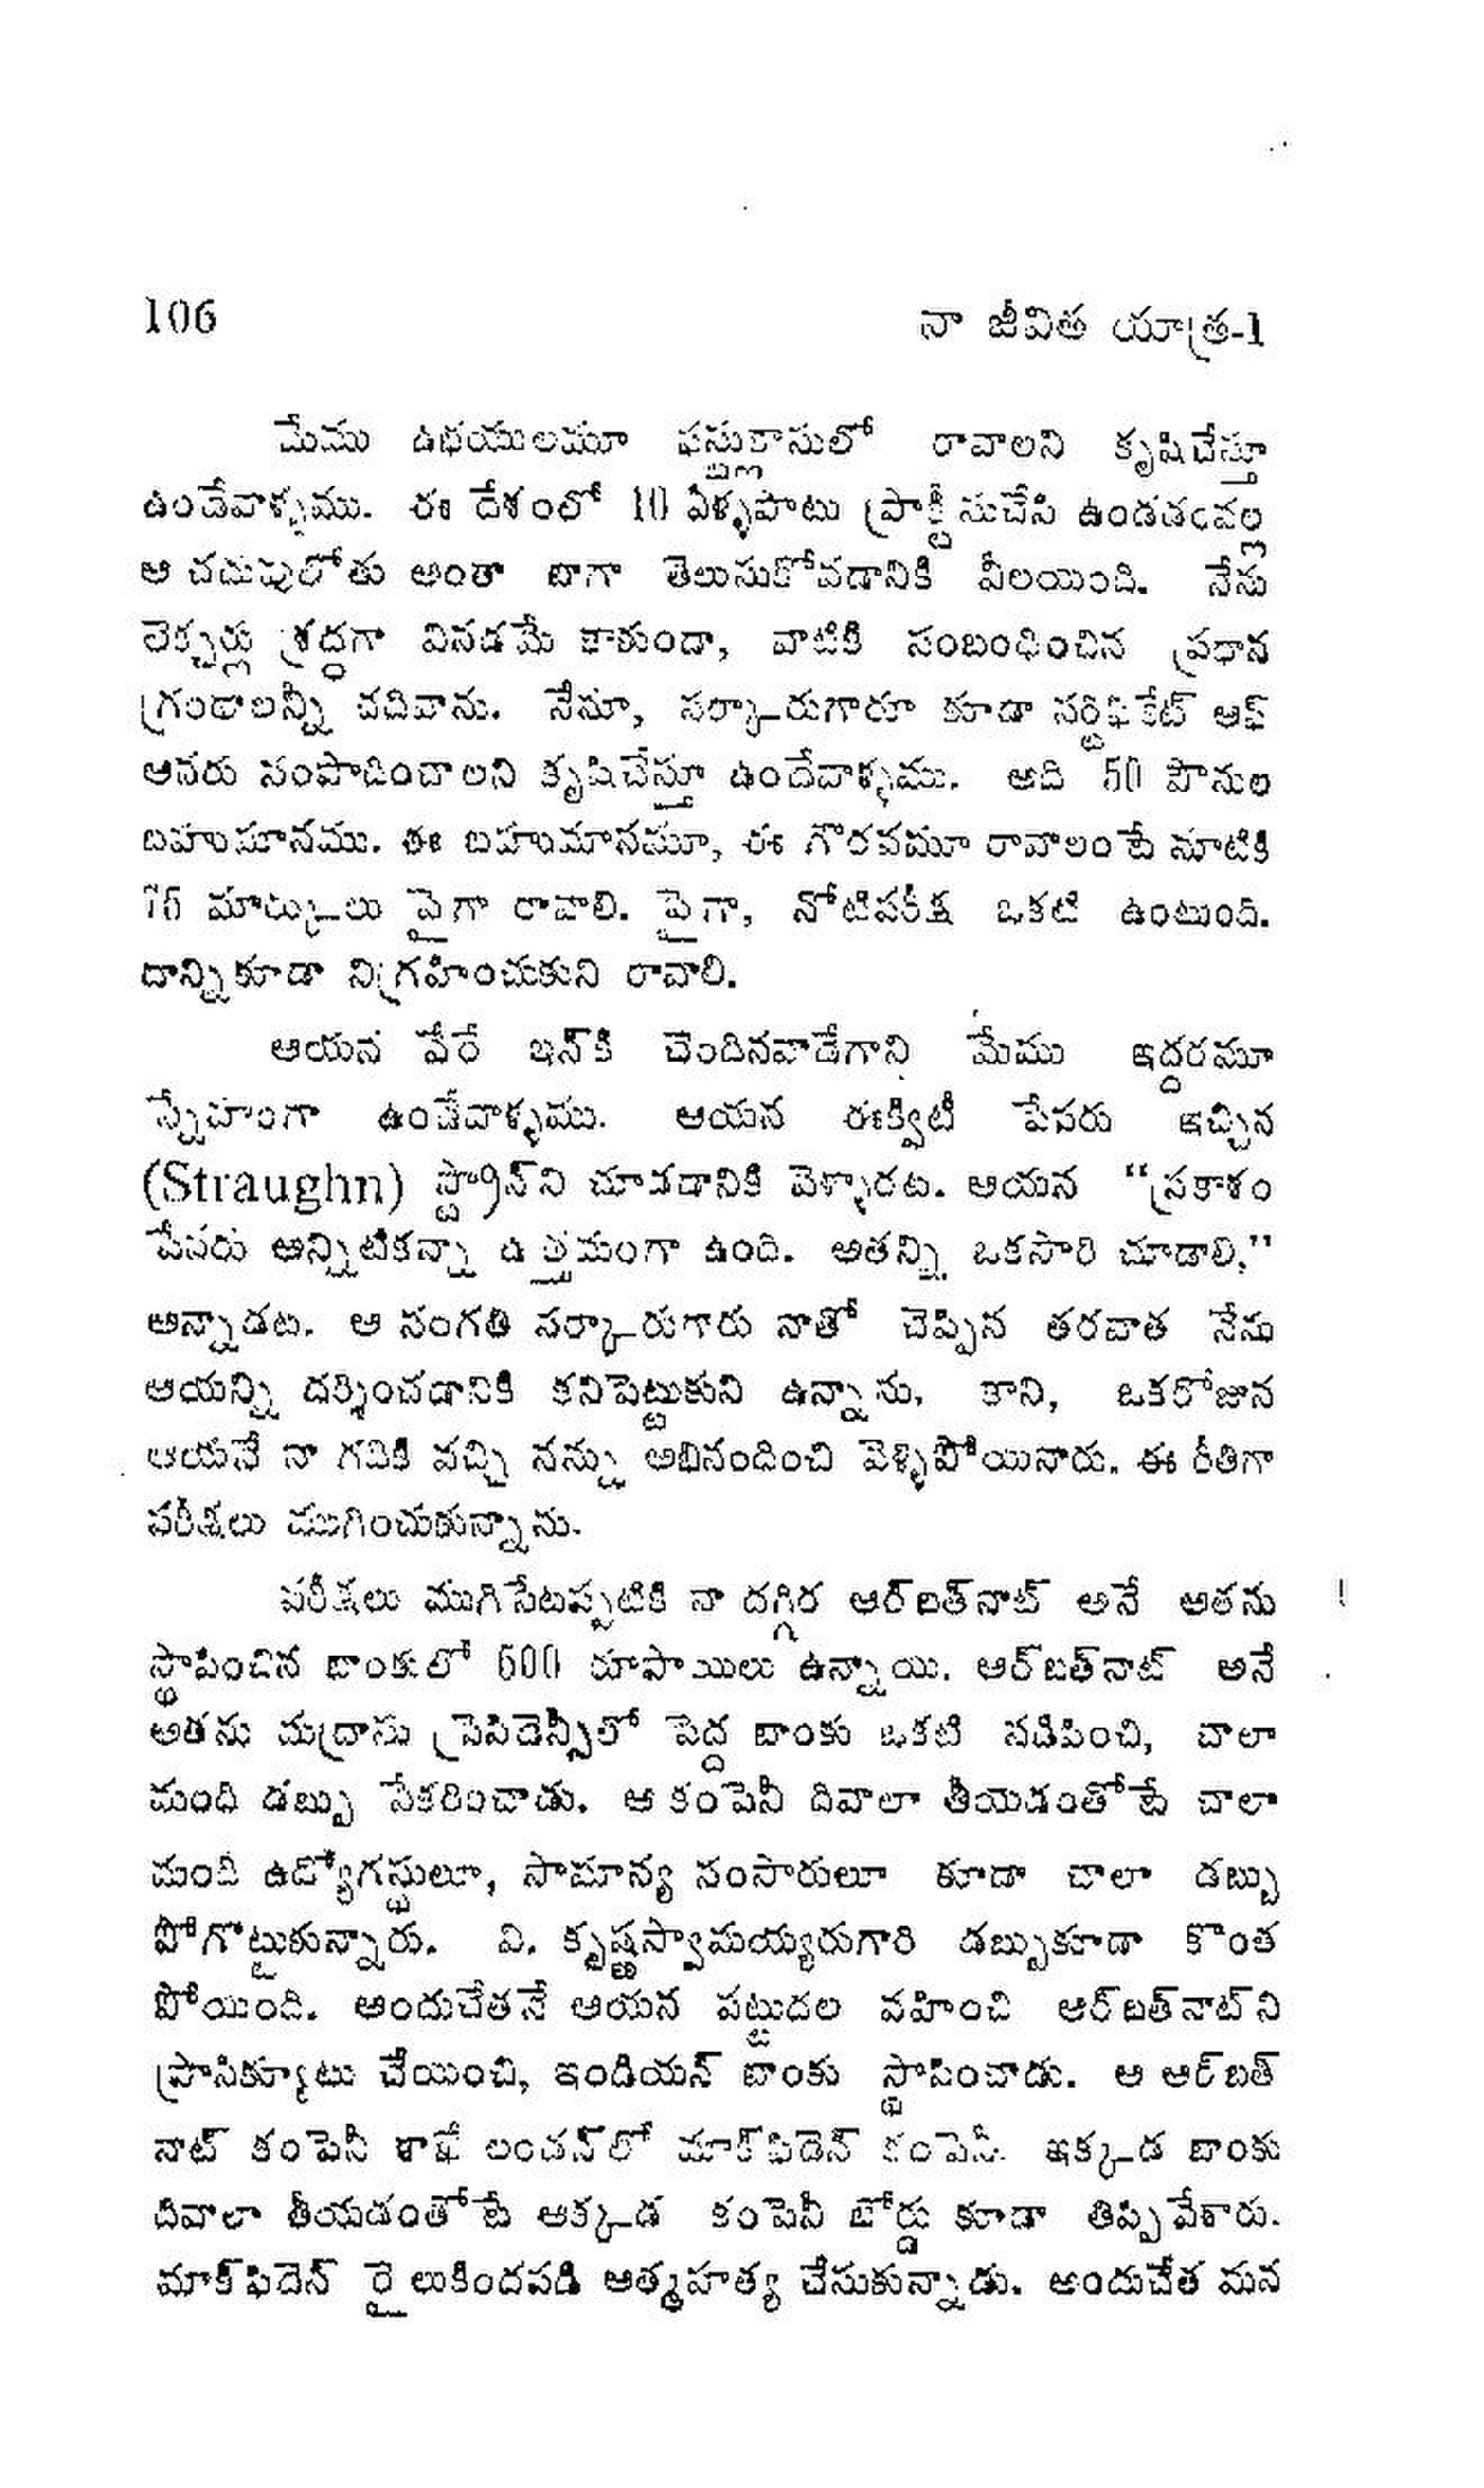మేము ఉభయులమూ పస్టుక్లాసులో రావాలని కృషిచేస్తూ ఉండేవాళ్ళము. ఈ దేశంలో 10 ఏళ్ళపాటు ప్రాక్టీసుచేసి ఉండడంవల్ల ఆ చదువులోతు అంతా బాగా తెలుసుకోవడానికి వీలయింది. నేను లెక్చర్లు శ్రద్ధగా వినడమే కాకుండా, వాటికి సంబంధించిన ప్రధాన గ్రంథాలన్నీ చదివాను. నేనూ, సర్కారుగారూ కూడా సర్టిఫికేట్ ఆఫ్ ఆనరు సంపాదించాలని కృషిచేస్తూ ఉండేవాళ్ళము. అది 50 పౌనుల బహుమానము. ఈ బహుమానమూ, ఈ గౌరవమూ రావాలంటే నూటికి 75 మార్కులు పైగా రావాలి. పైగా, నోటిపరీక్ష ఒకటి ఉంటుంది. దాన్నికూడా నిగ్రహించుకుని రావాలి.

ఆయన వేరే ఇన్‌కి చెందినవాడేగాని మేము ఇద్దరమూ స్నేహంగా ఉండేవాళ్ళము. ఆయన ఈక్విటీ పేపరు ఇచ్చిన (Straughn) స్ట్రాన్‌ని చూడడానికి వెళ్ళారట. ఆయన "ప్రకాశం పేపరు అన్నిటికన్నా ఉత్తమంగా ఉంది. అతన్ని ఒకసారి చూడాలి," అన్నాడట. అ సంగతి సర్కారుగారు నాతో చెప్పిన తరవాత నేను ఆయన్ని దర్శించడానికి కనిపెట్టుకుని ఉన్నాను. కాని, ఒకరోజున ఆయనే నా గదికి వచ్చి నన్ను అభినందించి వెళ్ళిపోయినారు. ఈ రీతిగా పరీక్షలు ముగించుకున్నాను.

పరీక్షలు ముగిసేటప్పటికి నా దగ్గిర ఆర్‌బత్‌నాట్ అనే అతను స్థాపించిన బాంకులో 500 రూపాయిలు ఉన్నాయి. ఆర్‌బత్‌నాట్ అనే అతను మద్రాసు ప్రెసిడెన్సీలో పెద్ద బాంకు ఒకటి నడిపించి, చాలా మంది డబ్బు సేకరించాడు. ఆ కంపెనీ దివాలా తీయడంతోటే చాలా మంది ఉద్యోగస్థులూ, సామాన్య సంసారులూ కూడా చాలా డబ్బు పోగొట్టుకున్నారు. వి. కృష్ణస్వామయ్యరుగారి డబ్బుకూడా కొంత పోయింది. అందుచేతనే ఆయన పట్టుదల వహించి ఆర్‌బత్‌నాట్‌ని ప్రాసిక్యూటు చేయించి, ఇండియన్ బాంకు స్థాపించాడు. ఆ ఆర్‌బత్‌నాట్ కంపెనీ శాఖే లండన్‌లో మాక్‌ఫిడెన్ కంపెనీ. ఇక్కడ బాంకు దివాలా తీయడంతోటే అక్కడ కంపెనీ బోర్డు కూడా తిప్పివేశారు. మాక్‌ఫిడెన్ రైలుకిందపడి ఆత్మహత్య చేసుకున్నాడు. అందుచేత మన